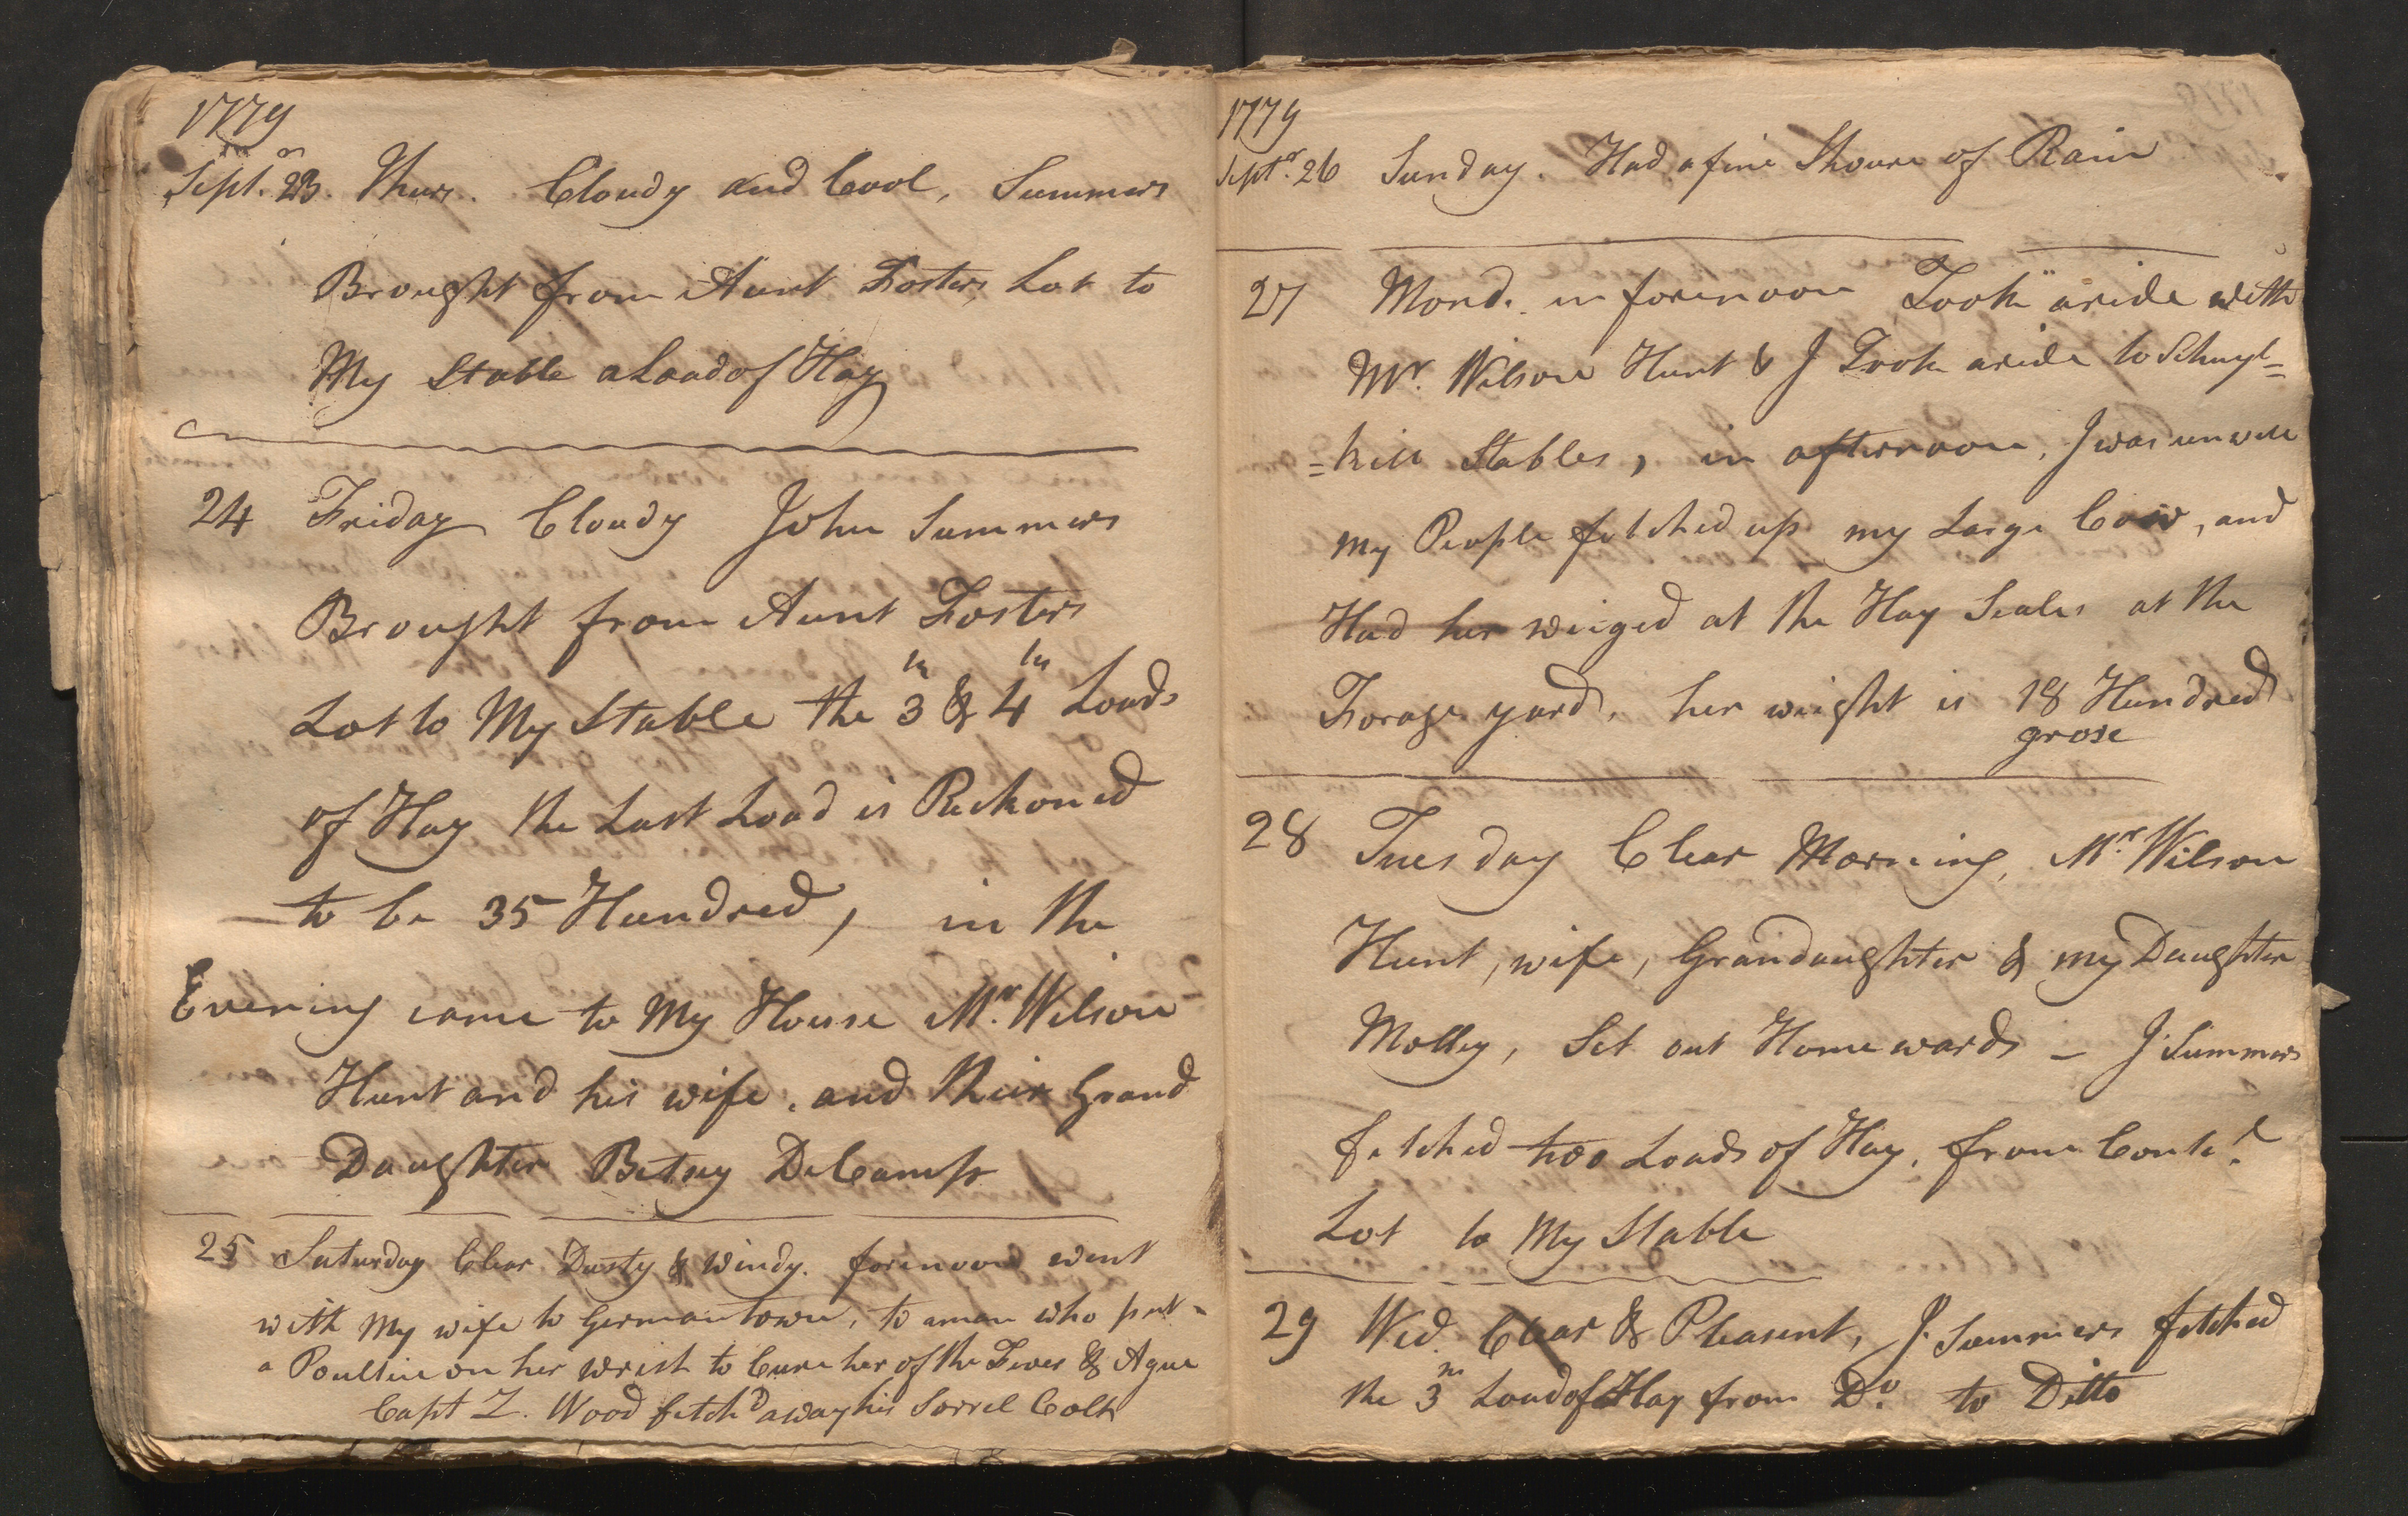1779
Sept^r. 22. Thurs. Cloudy and Cool, Summers
Brought from Aunt Fosters Lot to
My Stable a Load of Hay
24 Friday Cloudy John Summers
Brought from Aunt Fosters
Lot to My Stable the 3^th & 4^th Loads
of Hay the Last Load is Reckoned
to be 35 Hundred, in the
Evening come to My House M^r. Wilson
Hunt and his wife, and their Grand
Daughter Betsy DeCamp
25 Saturday Clear Dusty & Windy. forenoon went
with my wife to Germantown, to a man who put
a Poultice on her wrist to Cure her of the Fever & Ague
Capt Z. Wood fetch^d. away his Sorrel Colt
1779
Sept^r. 26 Sunday. Had a fine Shoure of Rain
27 Mond. in forenoon Took a ride with
M^r. Wilson Hunt & I Took a ride to Schuyl-
-kill Stables, in afternoon, I was unwell
my People fetched up my Large Cow, and
Had her weiged at the Hay Scales at the
Forage yard. her weight is 18 Hundred
grose
28 Tuesday Clear Morning M^r. Wilson
Hunt, wife, Grandaughter & my Daughter
Molley, Set out Homewards- J Summers
fetched 400 Loads of Hay. from Cont^l.
Lot to My Stable
29 We^d. Clear & Pleasent, J Summers fetched
the 3^th Loud of Hay fron D^o. to Ditto